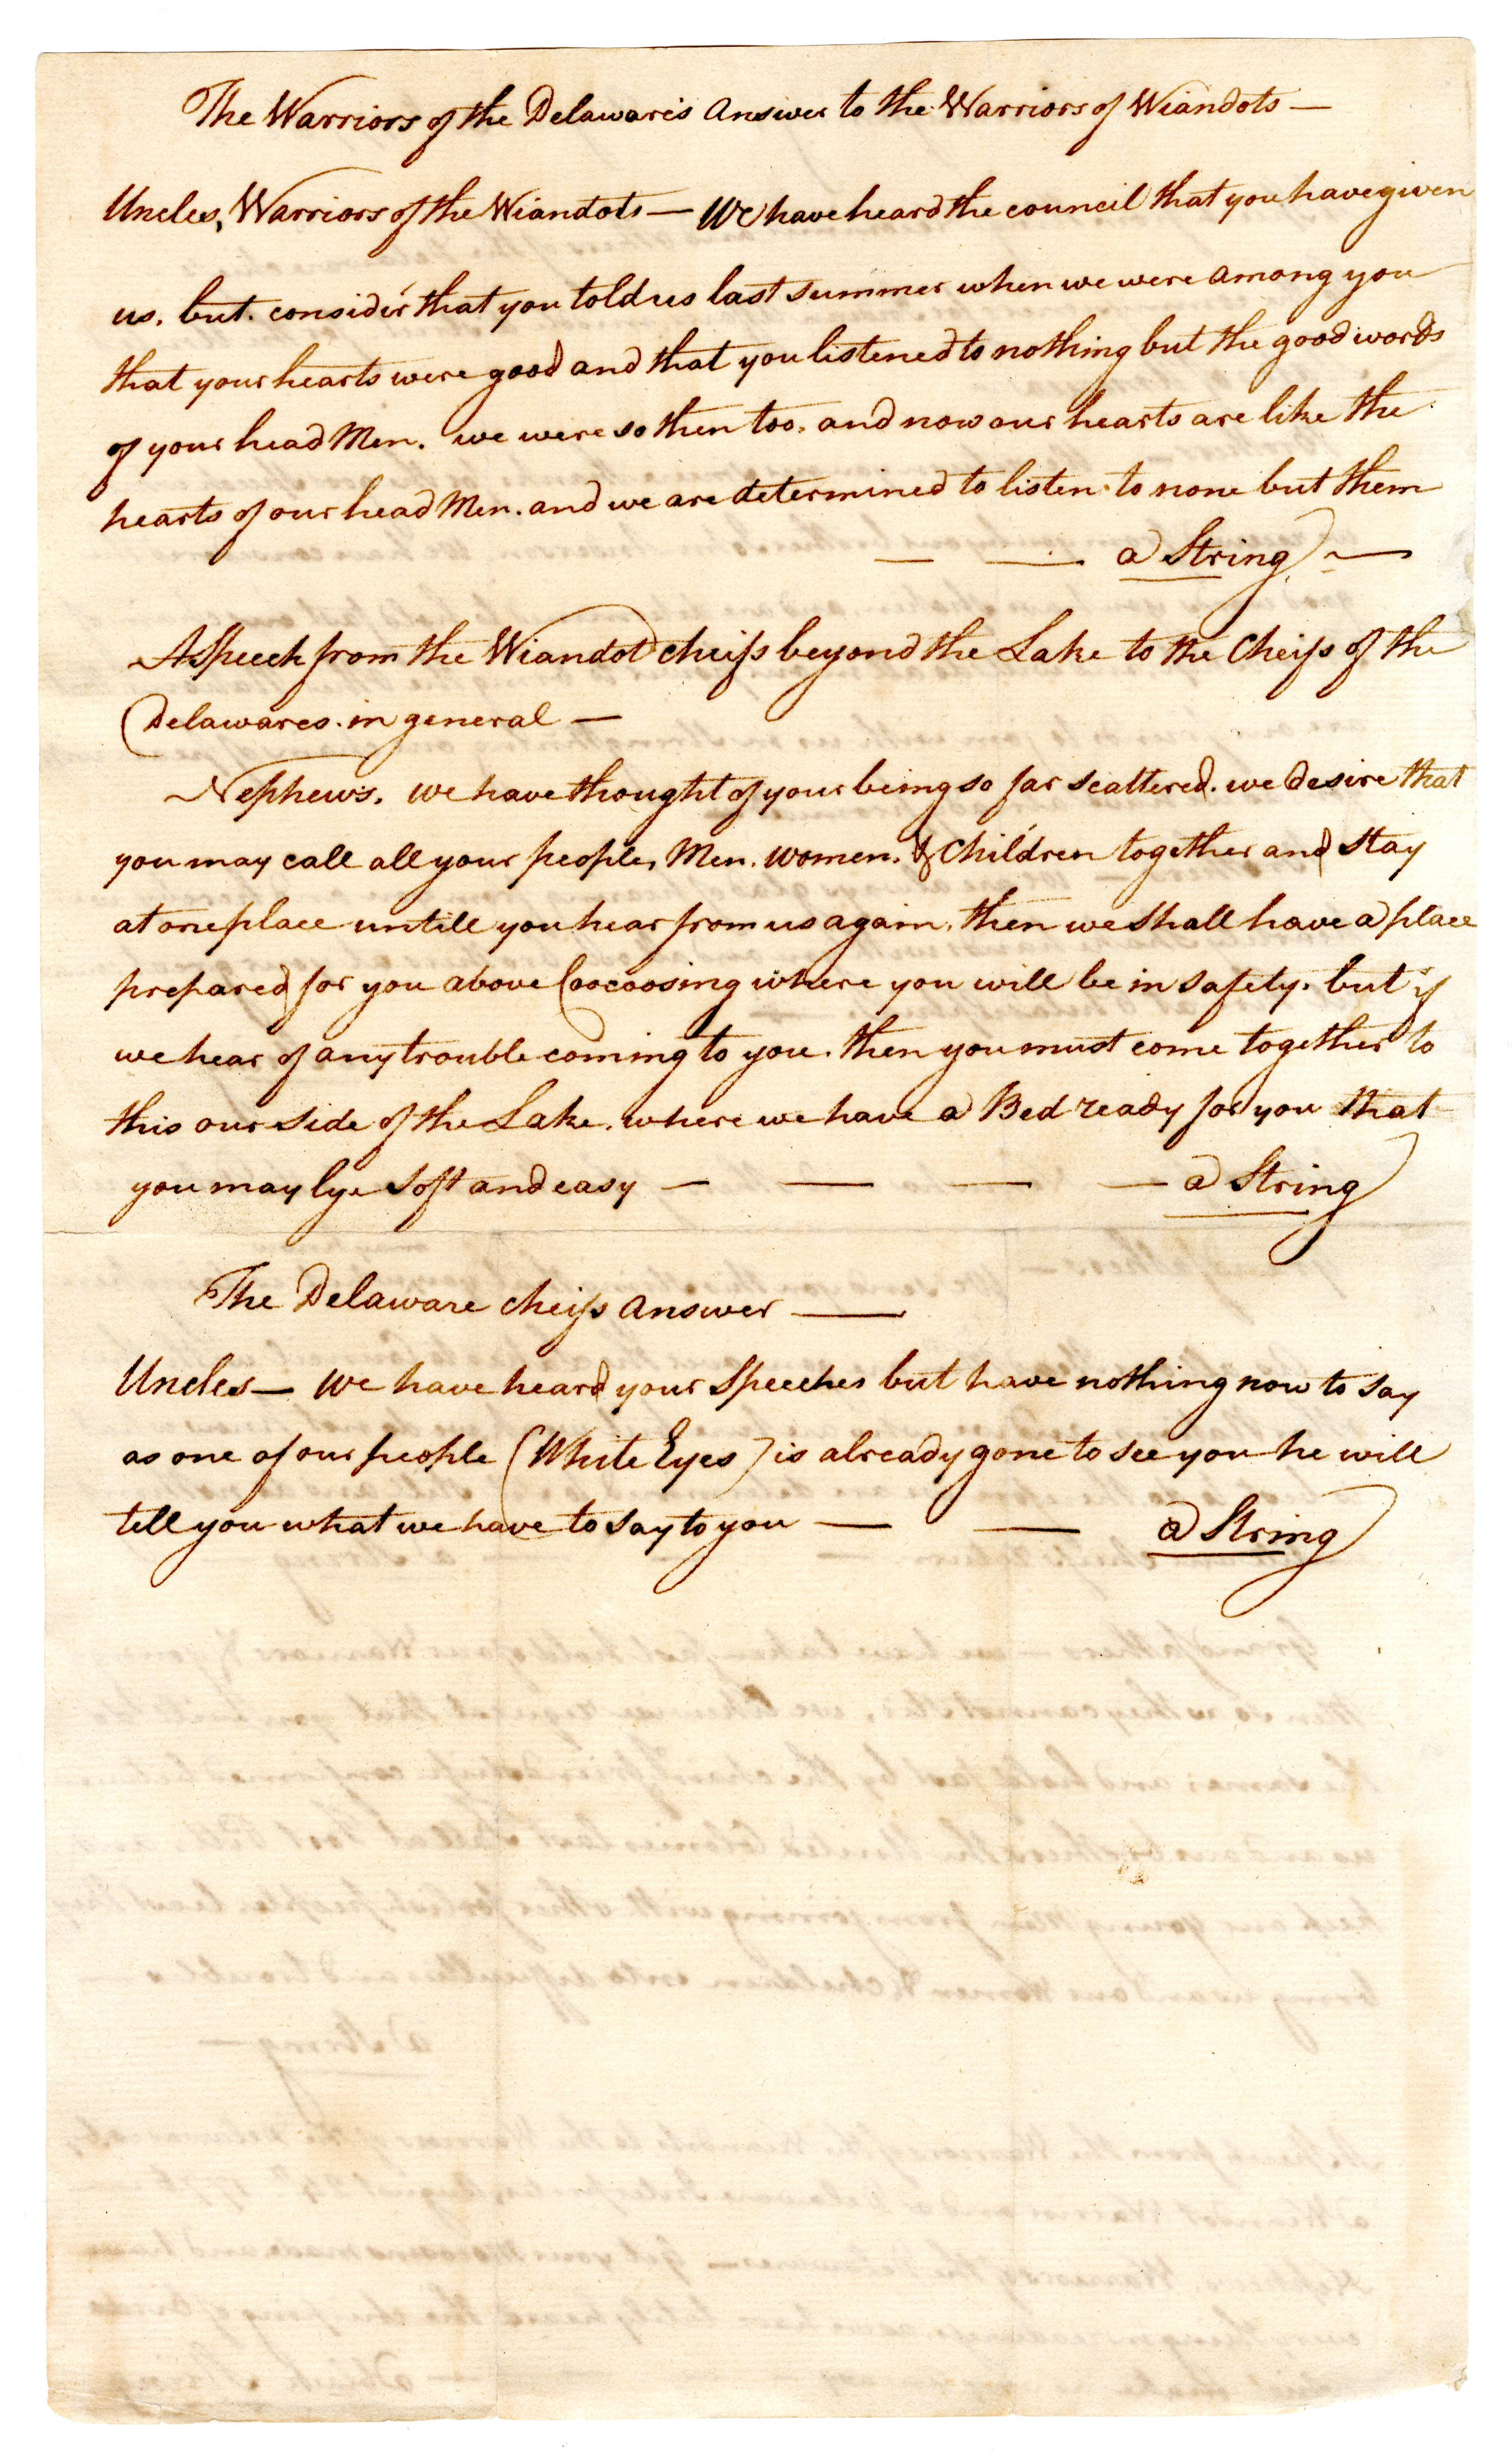The Warriors of the Delaware's Answer to the Warriors of Wiandots-
Uncles, Warriors of the Wiandots- We have heard the council that you have given
us, but consider that you told us last summer when we were among you
that your hearts were good and that you listened to nothing but the good words
of your head Men. we were so then too, and now our hearts are like the
hearts of our head Men, and we are determined to listen to none but them
a String-
A Speech from the Wiandot cheifs beyond the Lake to the Cheifs of the
Delawares in general-
Nephews, we have thought of your being so far scattered. we desire that
you may call all your people, Men, Women, & Children together and Stay
at one place untill you hear from us again, then we shall have a place
prepared for you above Coocoosing where you will be in safety, but if
we hear of any trouble coming to you. then you must come together to
this our side of the Lake, where we have a Bed ready for you that
you may lye Soft and easy
- a String
The Delaware cheifs answer-
Uncles- we have heard your Speeches but have nothing now to say
as one of our people (White Eyes) is already gone to see you he will
tell you what we have to say to you
a String